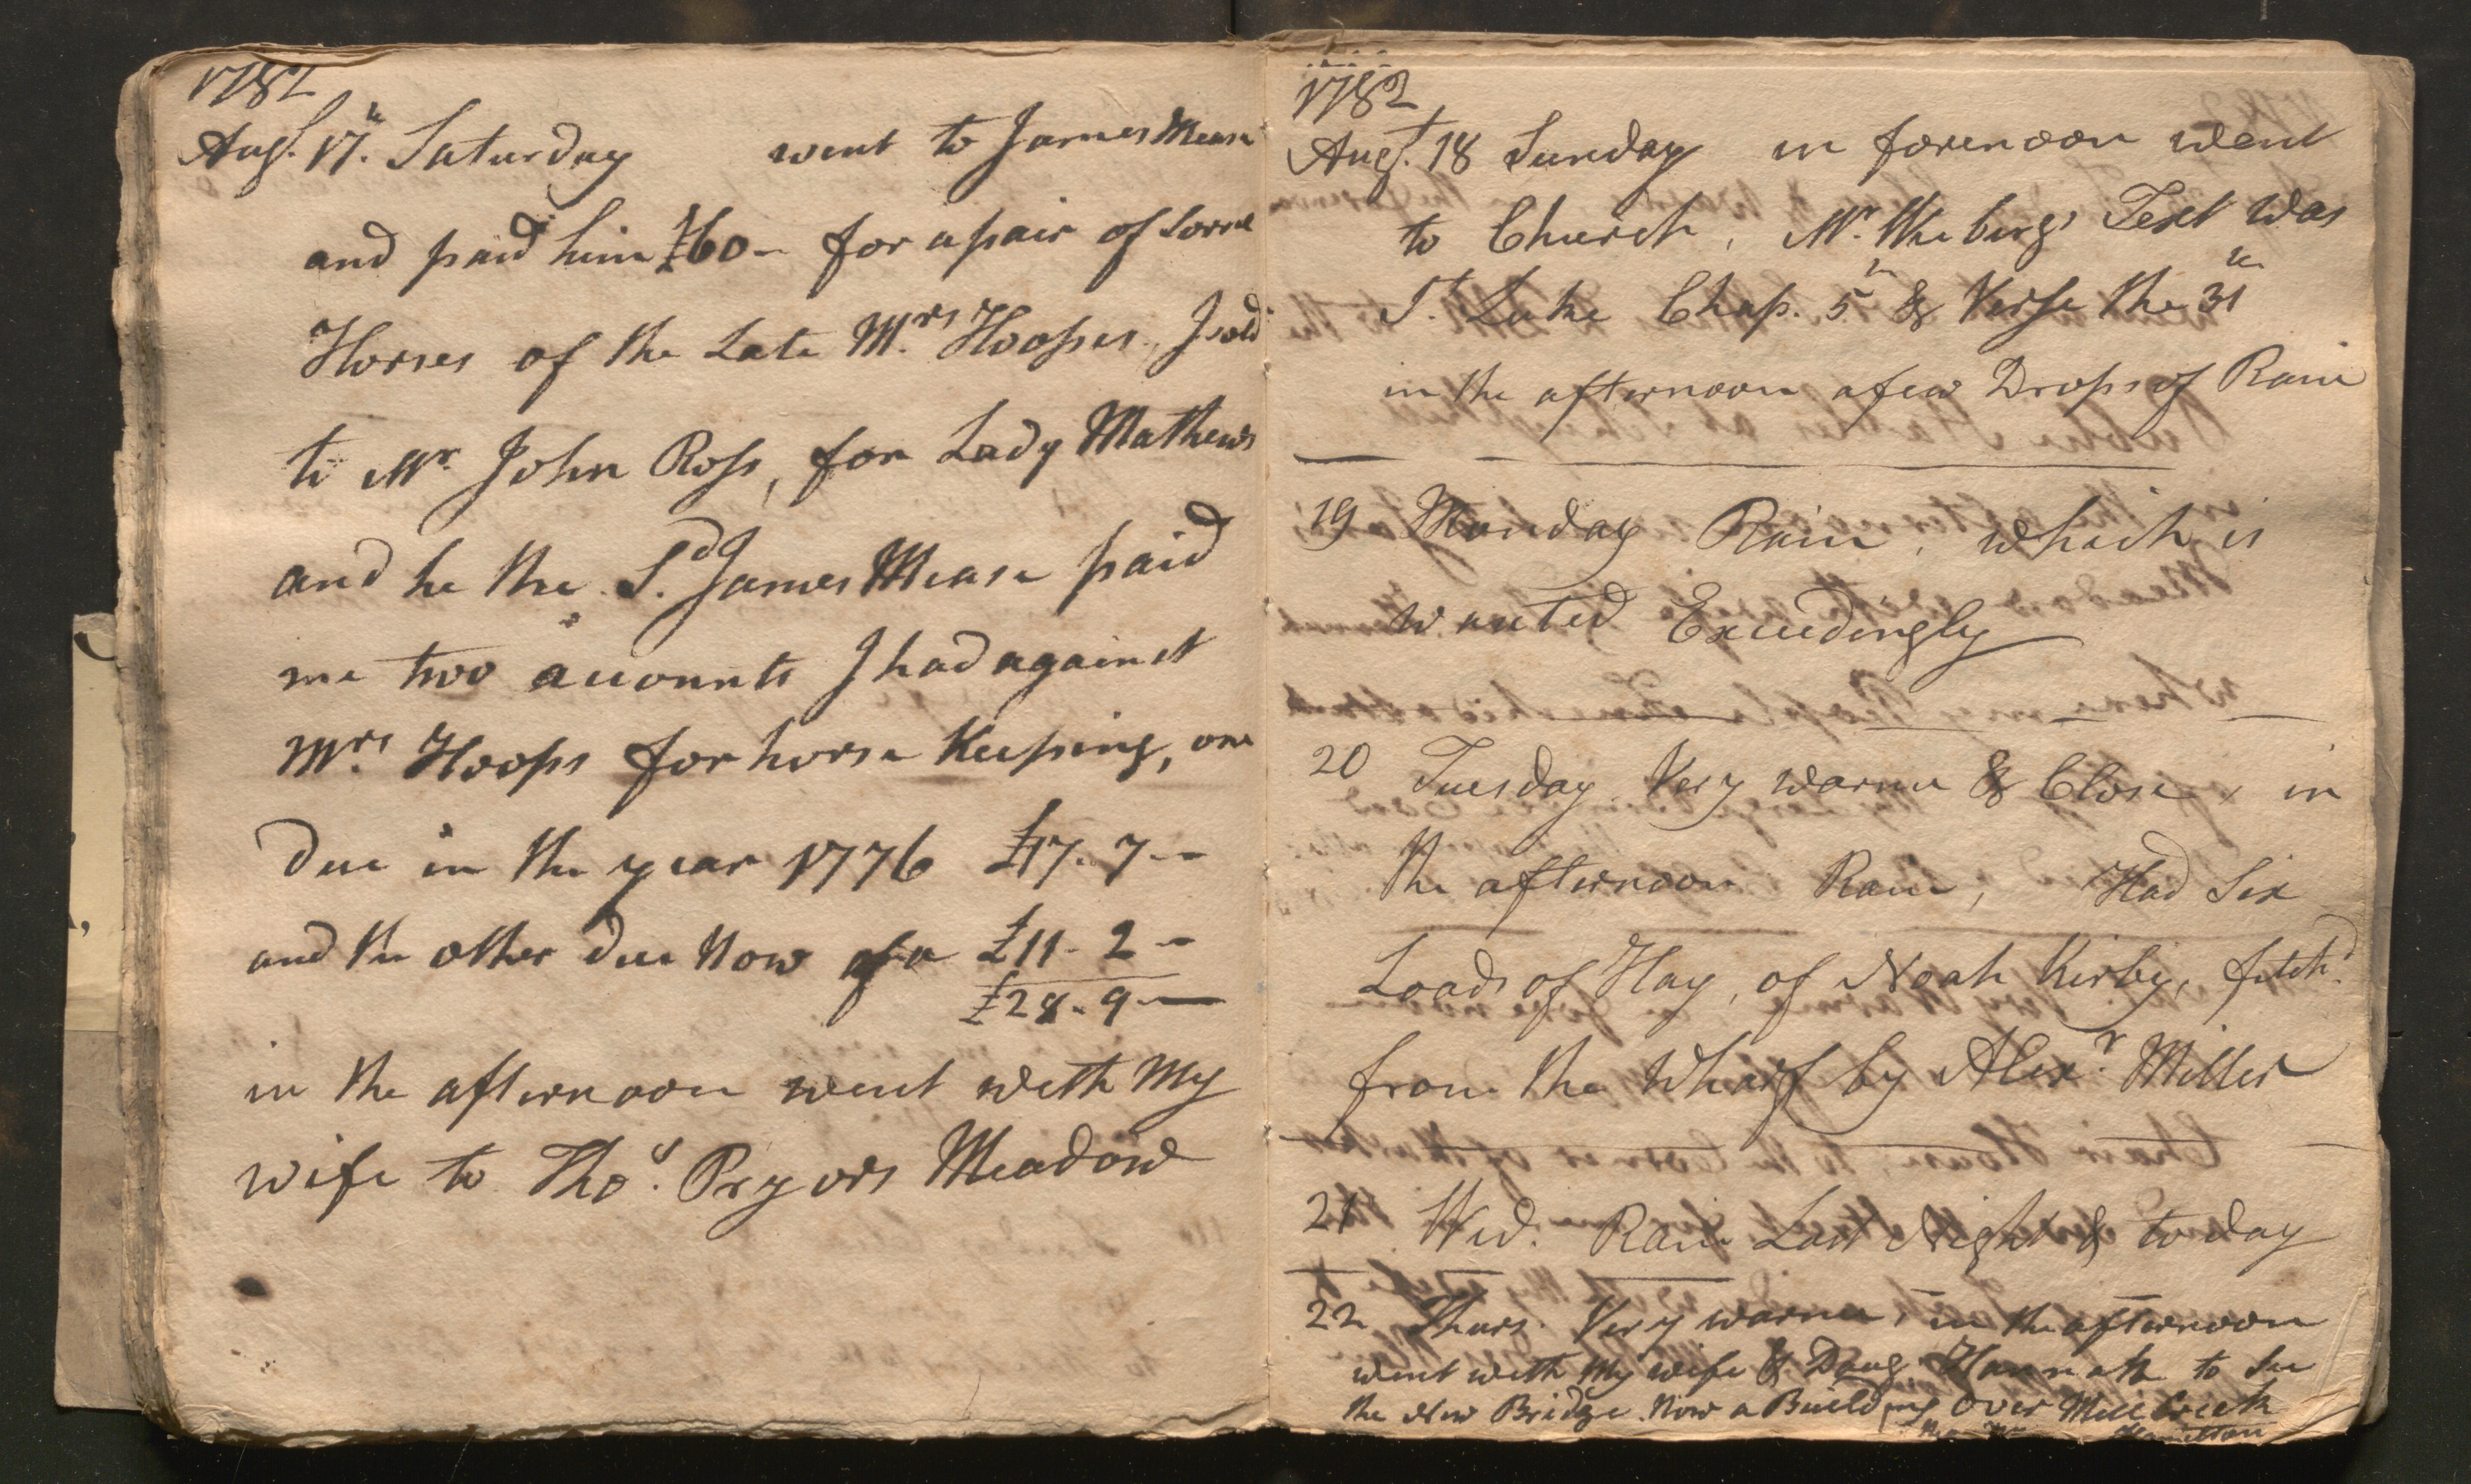1782
Aug^t. 17^h. Saturday went to James Mease
and paid him f60- for a pair of sorrel
Horses of the Late M^rs. Hoopes, I sold
to M^r. John Ross for Lady Mathews
and he the s^d. James Mease paid
me two accounts I had against
M^r. Hoops for horse Keeping, one
due in the year 1776 £7.7-
and the other due Now of a £11.2-
£28.9-
wife to Tho^s. Pryors Meadow
1782
Aug^t. 18 Sunday, in forenoon went
to Church, M^r. Weibirgs Text Was
S^t. Luke Chap. 5^th. & Verse the 31^th
in the afternoon a few Drops of Rain
19 Monday Rain, which is
Wanted Exceedingly
20 Tuesday Very warme & Close, in
the afternoon Rain, Had Six
Loads of Hay of Noah Kirby, fetch^d
21 Wed. Rain Last Night & to day
22 Thurs. Very warne, in the afternoon
went with My wife & Daug Hannah to See
The New Bridge now a Building, over Mill Creel
in the afternoon went with My
from the Wharf by Alex^r. Miller